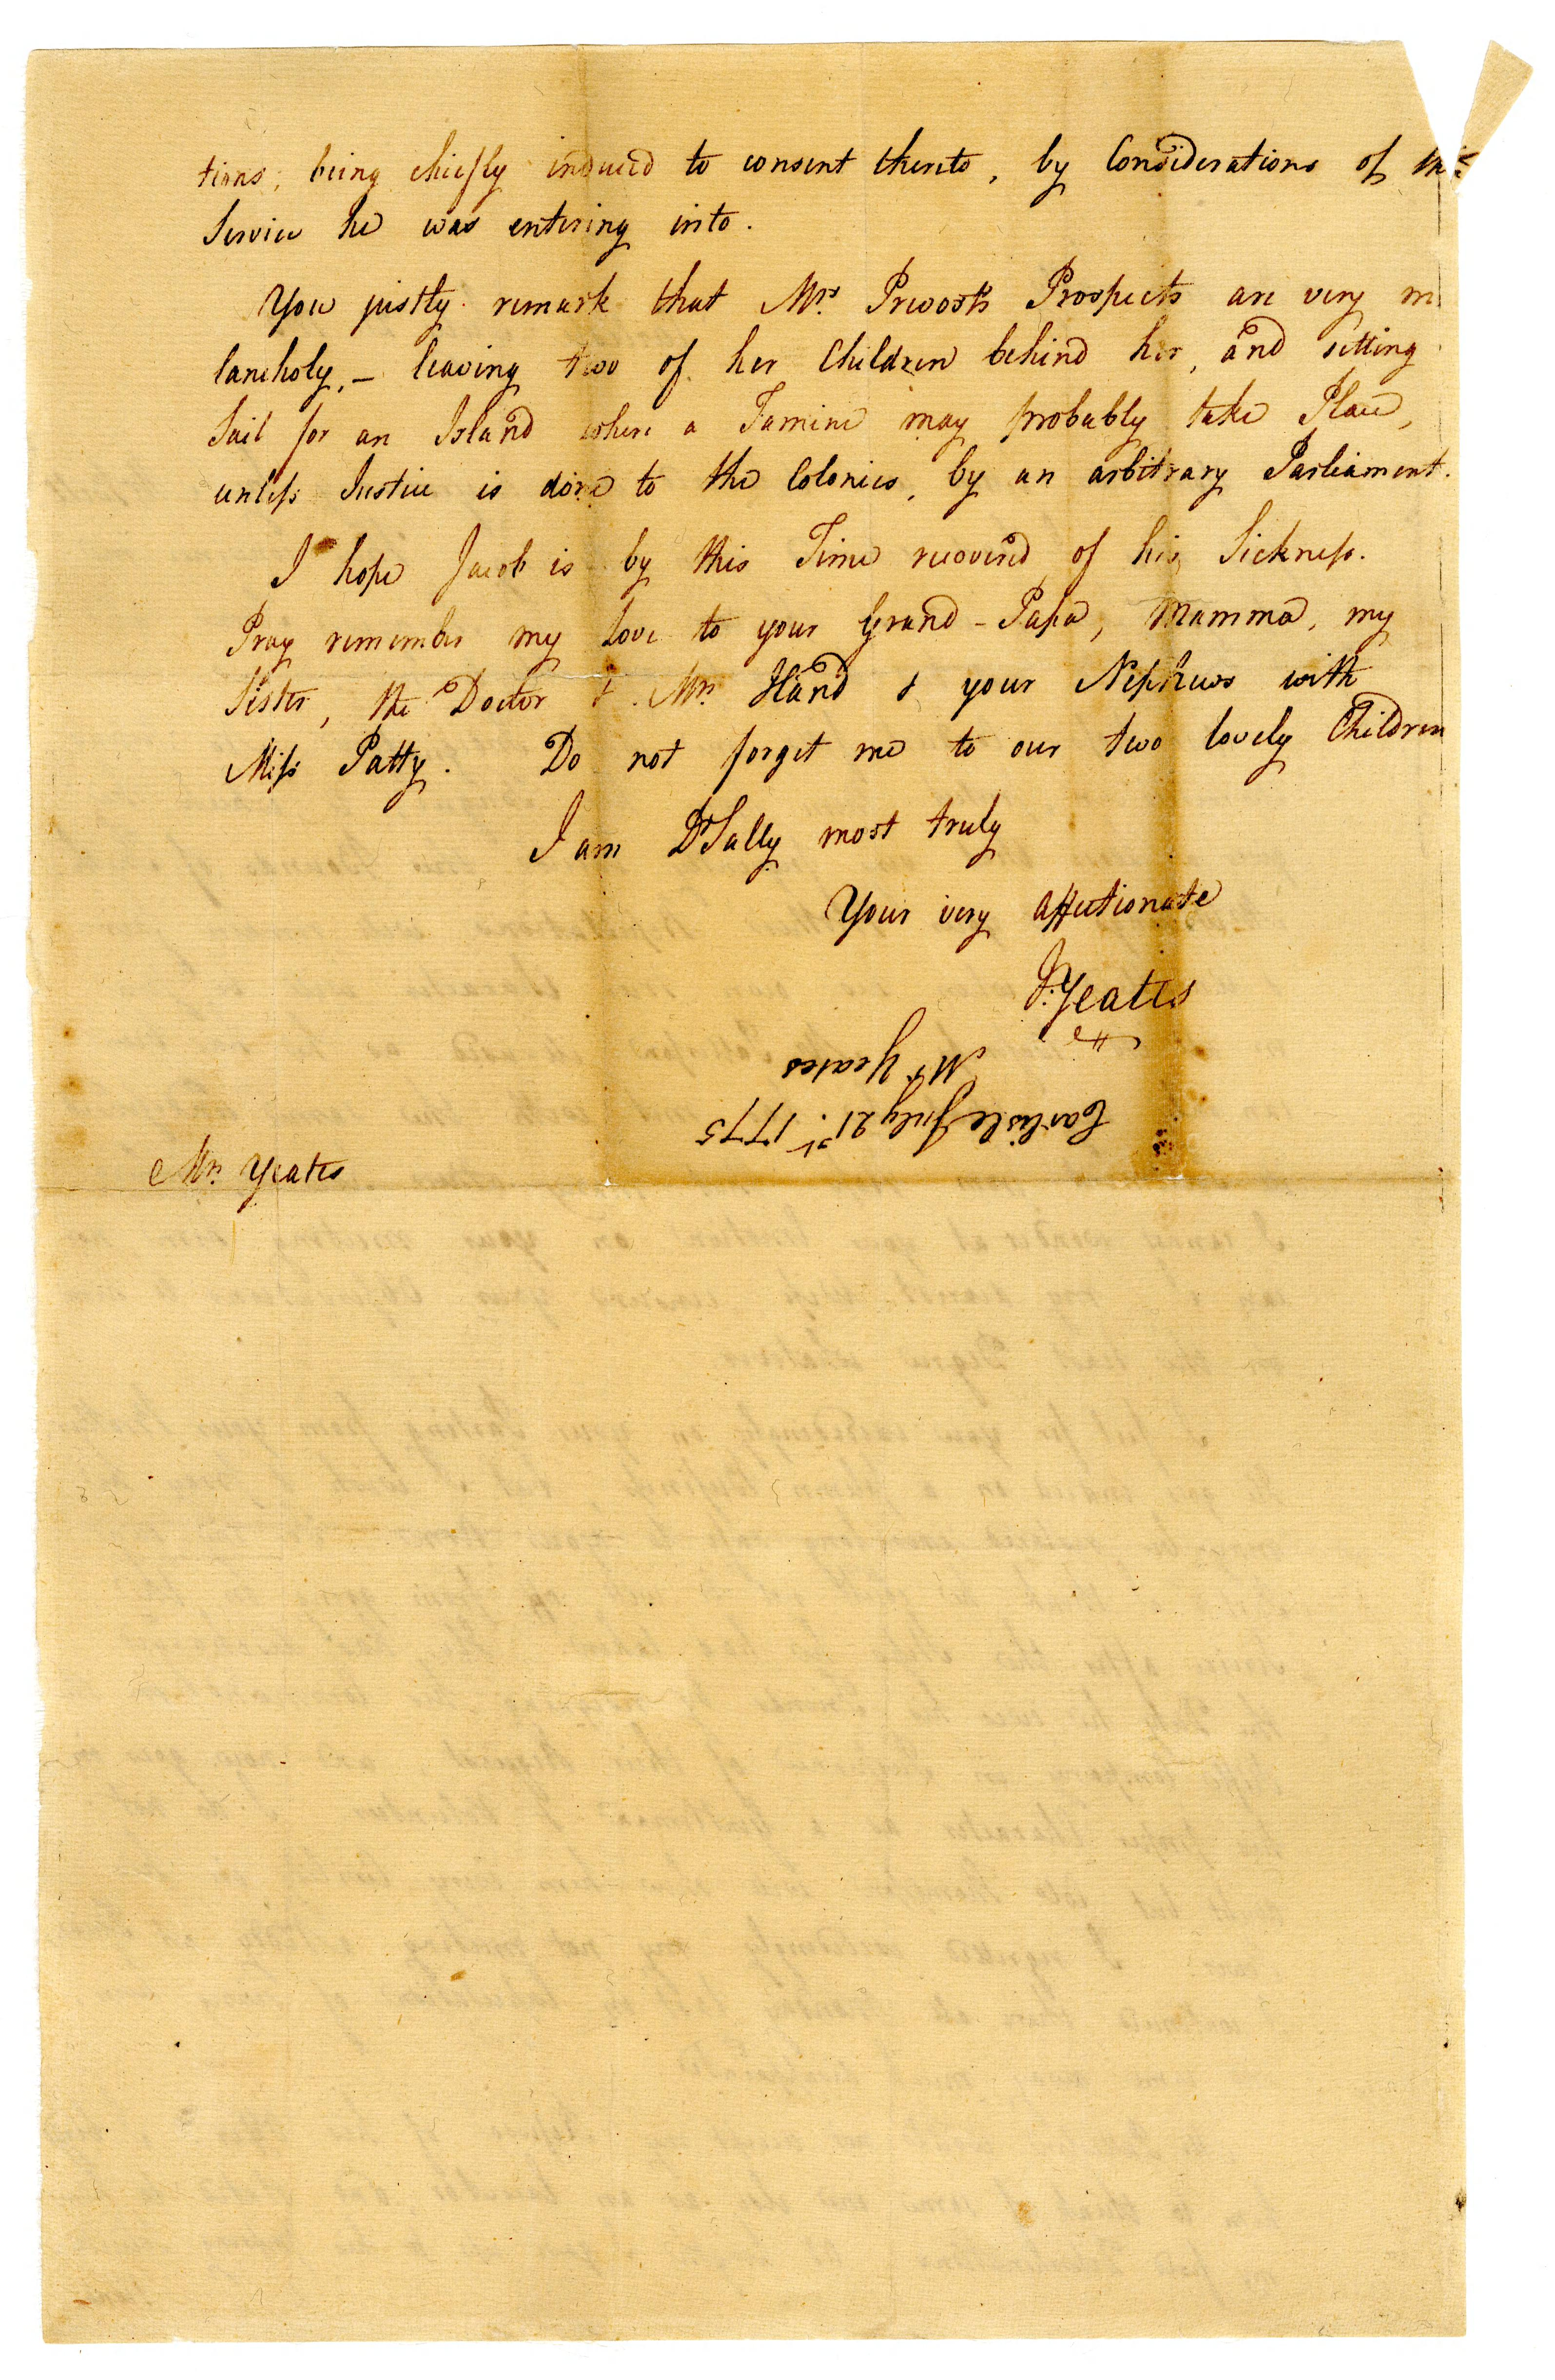-tions, being chiefly induced to consent thereto, by Considerations of this
Service he was entering into.
You justly remark that M^rs. Prevost Prospects are very m
lancholy, leaving two of her Children behind her, and setting
Sail for an Island where a Famine may probably take Place
unless Justice is done to the Colonies, by an arbitrary Parliament
I hope Jacob is by this Time recovered of his Sickness
Pray remember my Love to your Grand-Papa, Mamma, my
Sister, the Doctor & M^r. Hand & your Nephews with
Miss Patty. Do not forget me to our two lovely Children
I am D^r Sally most truly
Your very affectionate
J. Yeates
M^r. Yeates
M^r. Yeates
Carlisle July 21^st. 1775